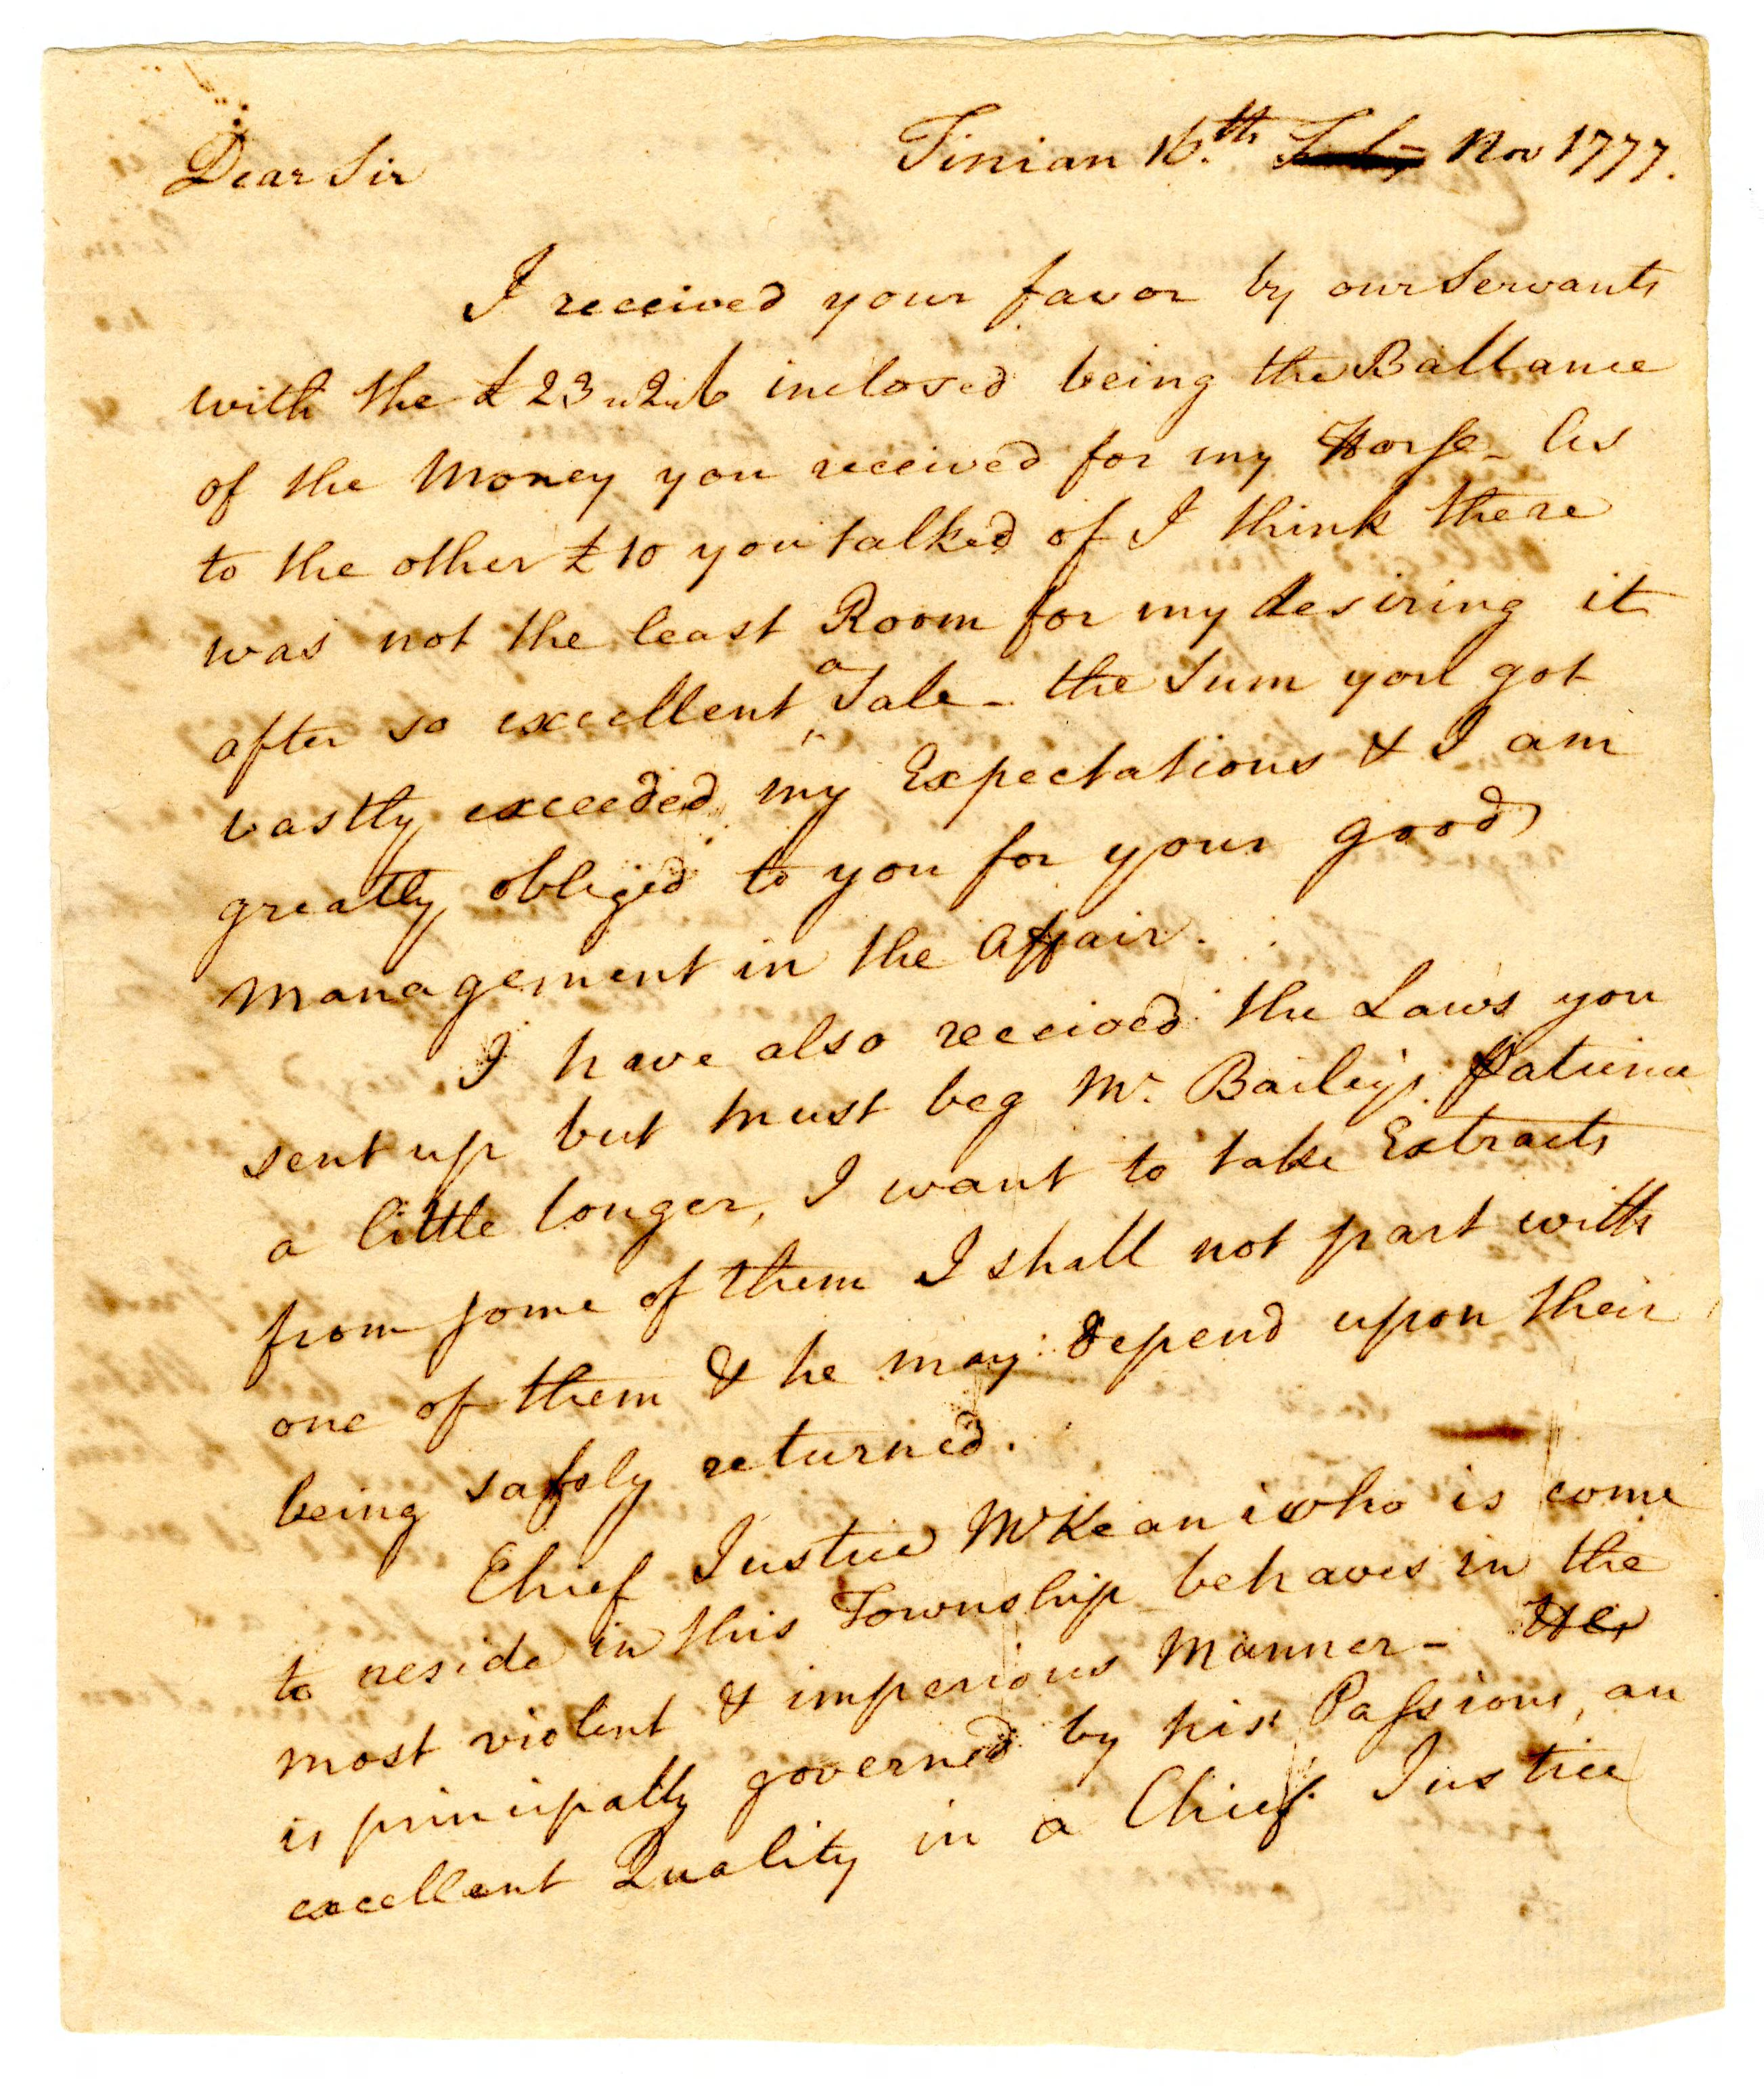Tinian 16^th. [____] Nov 1777.
Dear Sir
I received your favor by our Servants
with the £23.2.6 inclosed being the Ballance
of the Money you received for my Horse. As
to the other £10 you talked of I think there
was not the least Room for my desiring it
after so excellent Sale. the sum you got
vastly exceeded my Expectations & I am
greatly obliged to you for your good
management in the Affair.
I have also received the Laws you
sent up but must beg M^r. Bailey's Patience
a little longer. I want to take Extracts
from some of them I shall not part with
one of them & he may depend upon their
being safely returned.
Chief Justice M^cKean who is come
to reside in this Township behaves in the
most violent & imperious Manner- He
is principally governed by his Passions, an
excellent Quality in a Chief Justice